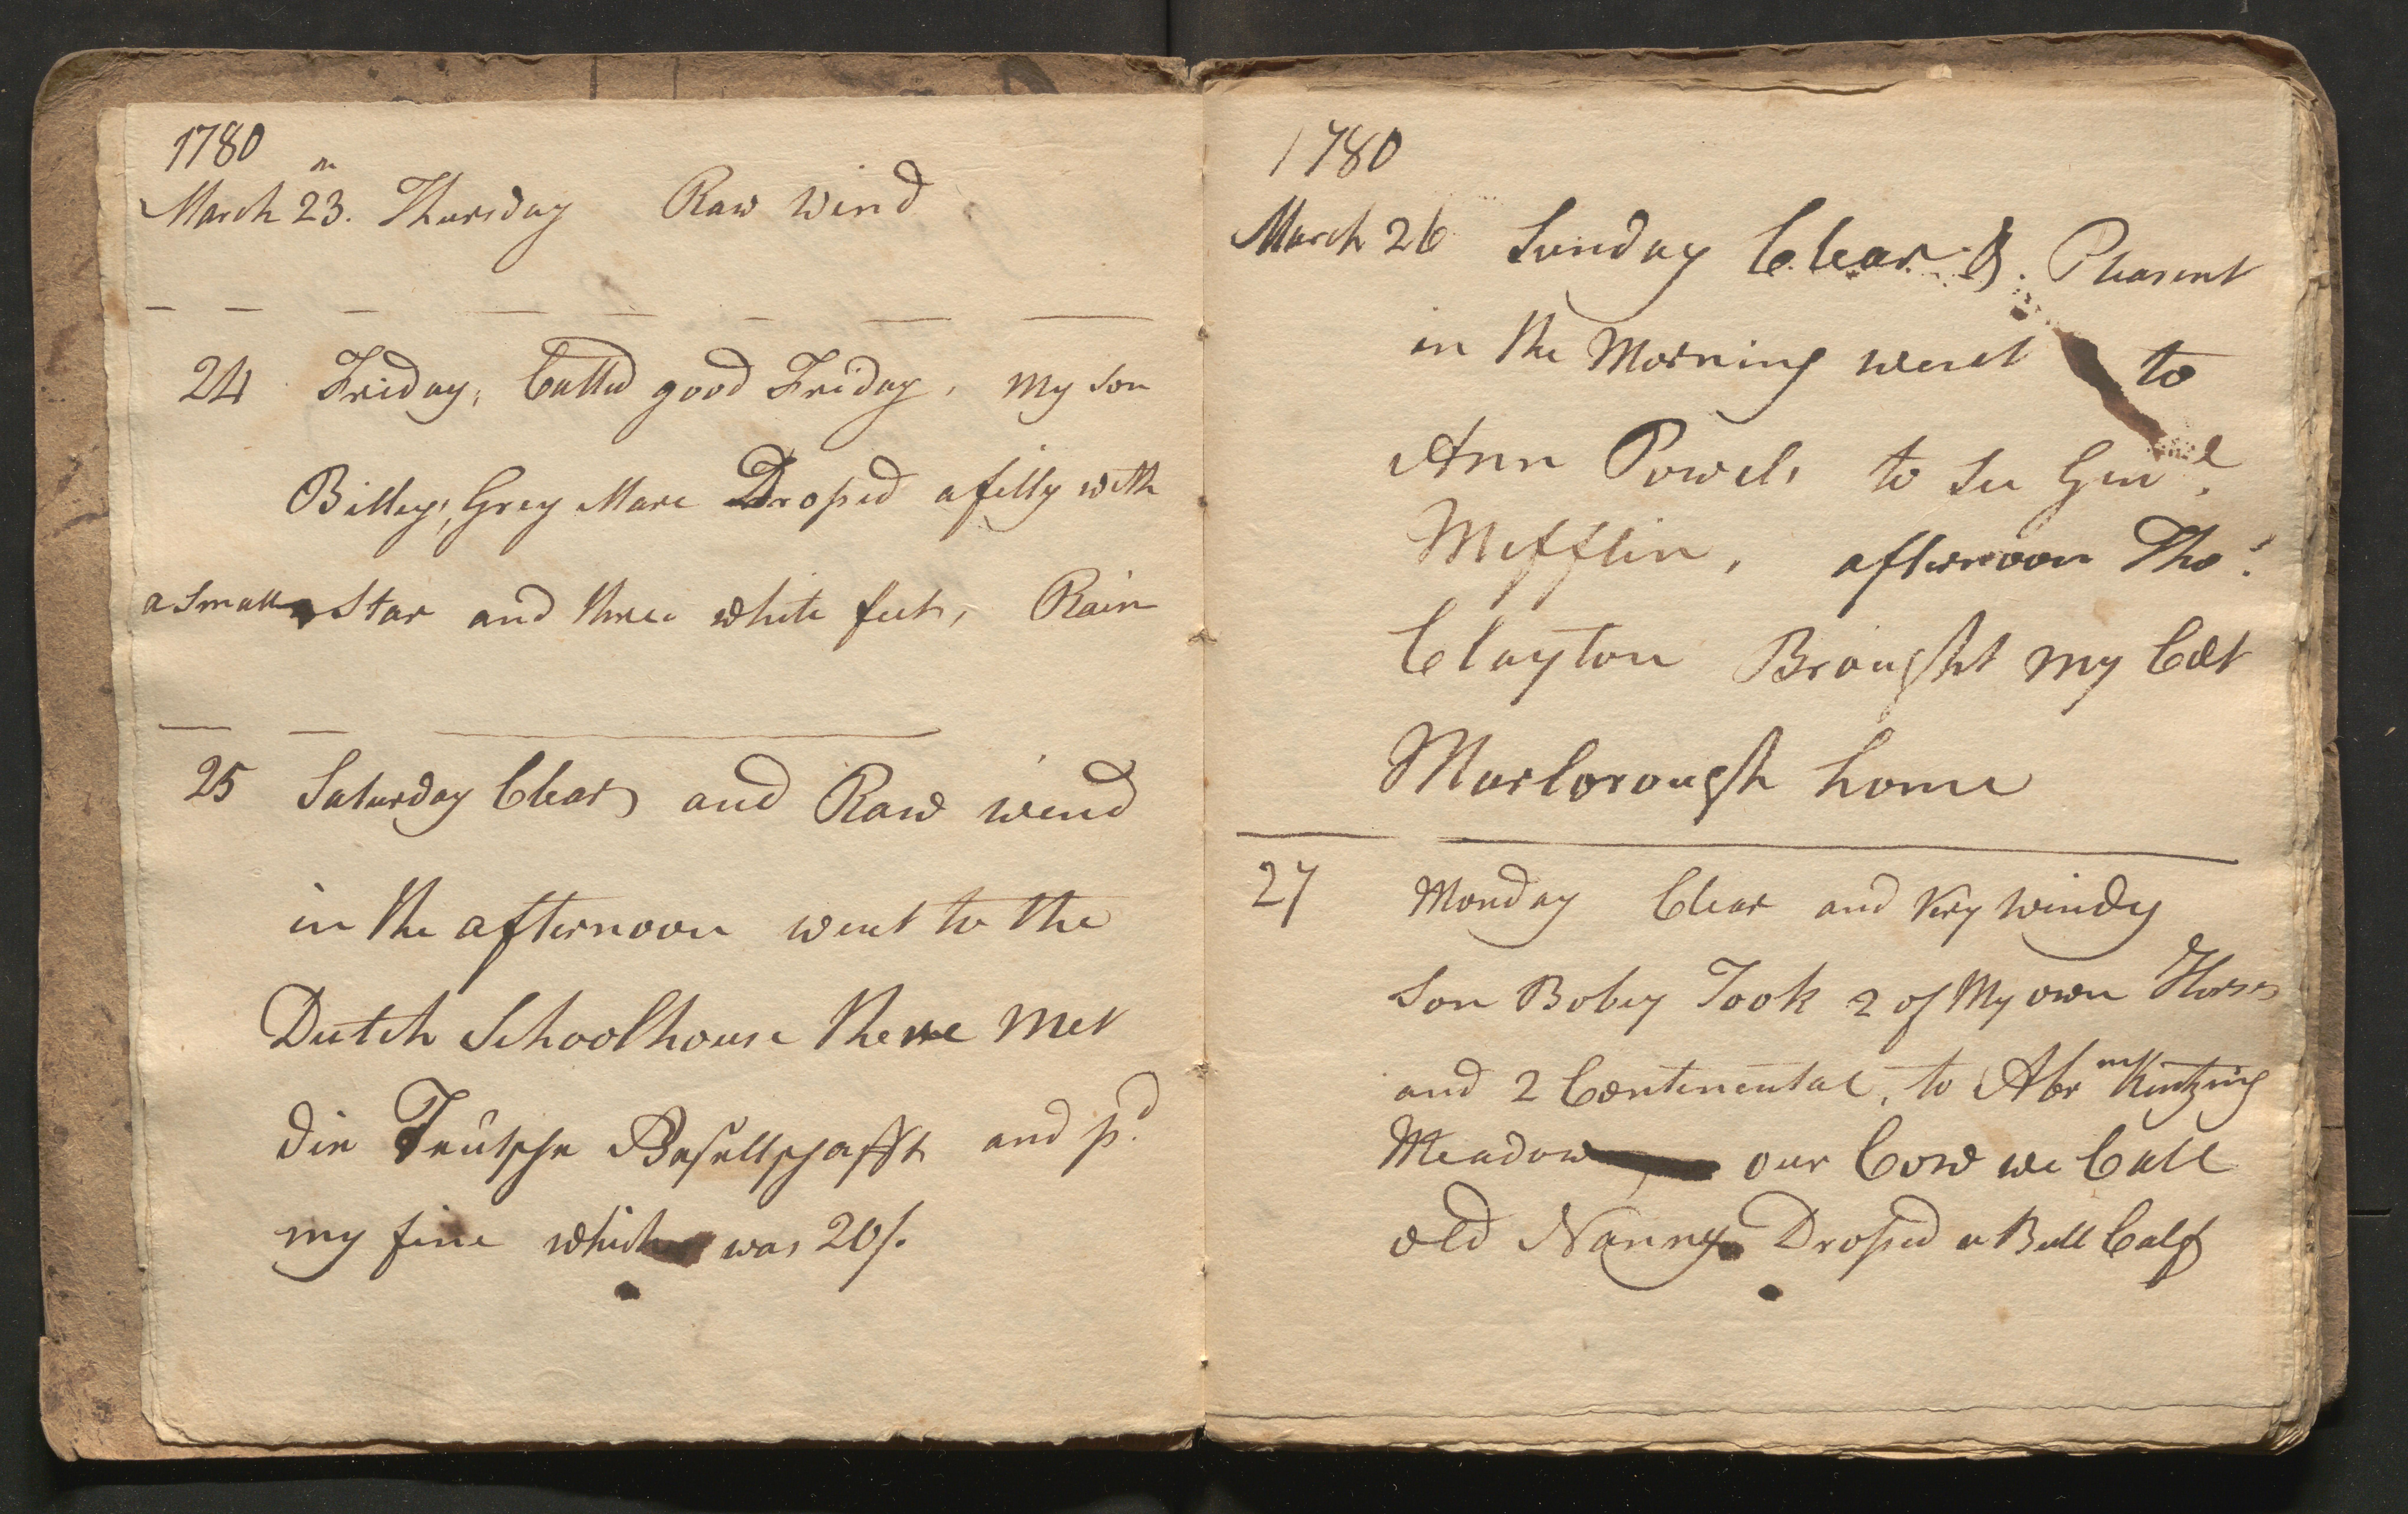1780
March 23^th. Thursday Raw wind
24 Friday, Called good Friday, My son
Billey, Grey Mare Droped a filly with
a small Star and three white feet, Rain
25 Saturday Clear and Raw wind
in the afternoon went to the
Dutch Schoolhouse there met
din Teupfe Basellpfafft and p^d.
my fine which was 20s.
1780
March 26. Sunday Clear & Pleasent
in the Morning went to
Ann Powels to see Gen^l
Milllin, affernoon Tho^s.
Clayton Brought my Cat
Marlorough home
27 Monday Clear and very windy
Son Bobey Took 2 of My own Horses
and 2 Continental, to Abr^m Kintzing
Meadow[___] our Cow we Call
old Nanny Droped a Bull Calf